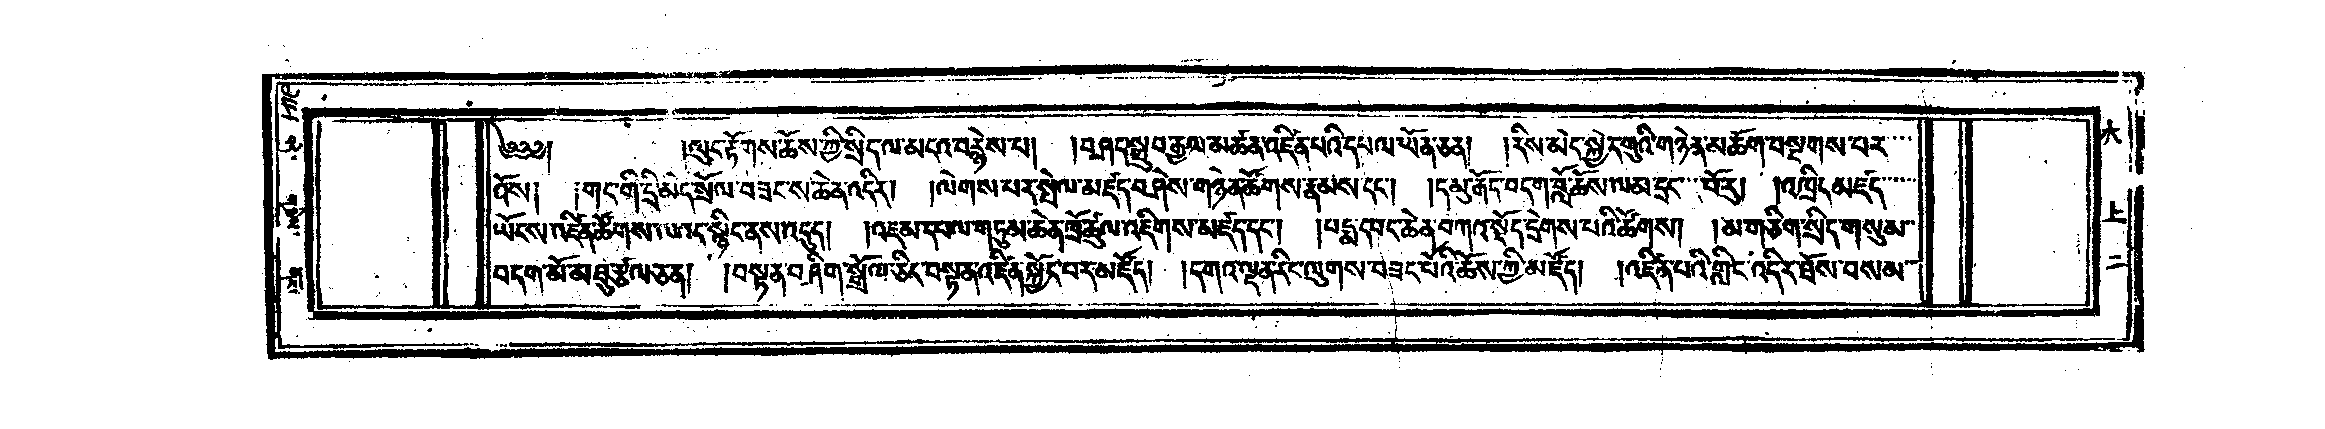༄༅༅། །ལུང་རྟོགས་ཆོས་ཀྱི་སྲིད་ལ་མངའ་བརྙེས་པ། །བཤད་སྒྲུབ་རྒྱལ་མཚན་འཛིན་པའི་དཔལ་ཡོན་ཅན། །རིས་མེད་སྐྱེ་དགུའི་གཉེན་མཆོག་བསྔགས་པར་
འོས༑ ༑གང་གི་དྲི་མེད་སྲོལ་བཟང་ས་ཆེན་འདིར། །ལེགས་པར་སྤེལ་མཛད་བཤེས་གཉེན་ཚོགས་རྣམས་དང་། །དམུ་རྒོད་བདག་བློ་ཆོས་ལམ་དྲང་པོ་རུ། །འཁྲིད་མཛད་
ཡོངས་འཛིན་ཚོགས་ལའང་སྙིང་ནས་འདུད། །འཇམ་དཔལ་གཏུམ་ཆེན་ཁྲོ་ཚུལ་འཇིགས་མཛད་དང་། །པདམ་དབང་ཆེན་བཀའ་སྡོད་དྲེགས་པའི་ཚོགས། །མ་གཅིག་སྲིད་གསུམ་
བདག་མོ་མཐུ་རྩལ་ཅན། །བསྟན་བཤིག་སྒྲོལ་ཅིང་བསྟན་འཛིན་སྐྱོང་བར་མཛོད། །དགའ་ལྡན་རིང་ཁུགས་བཟང་པོའི་ཆོས་ཀྱི་མཛོད། །འཛིན་པའི་གླིང་འདིར་ཐོས་བསམ་